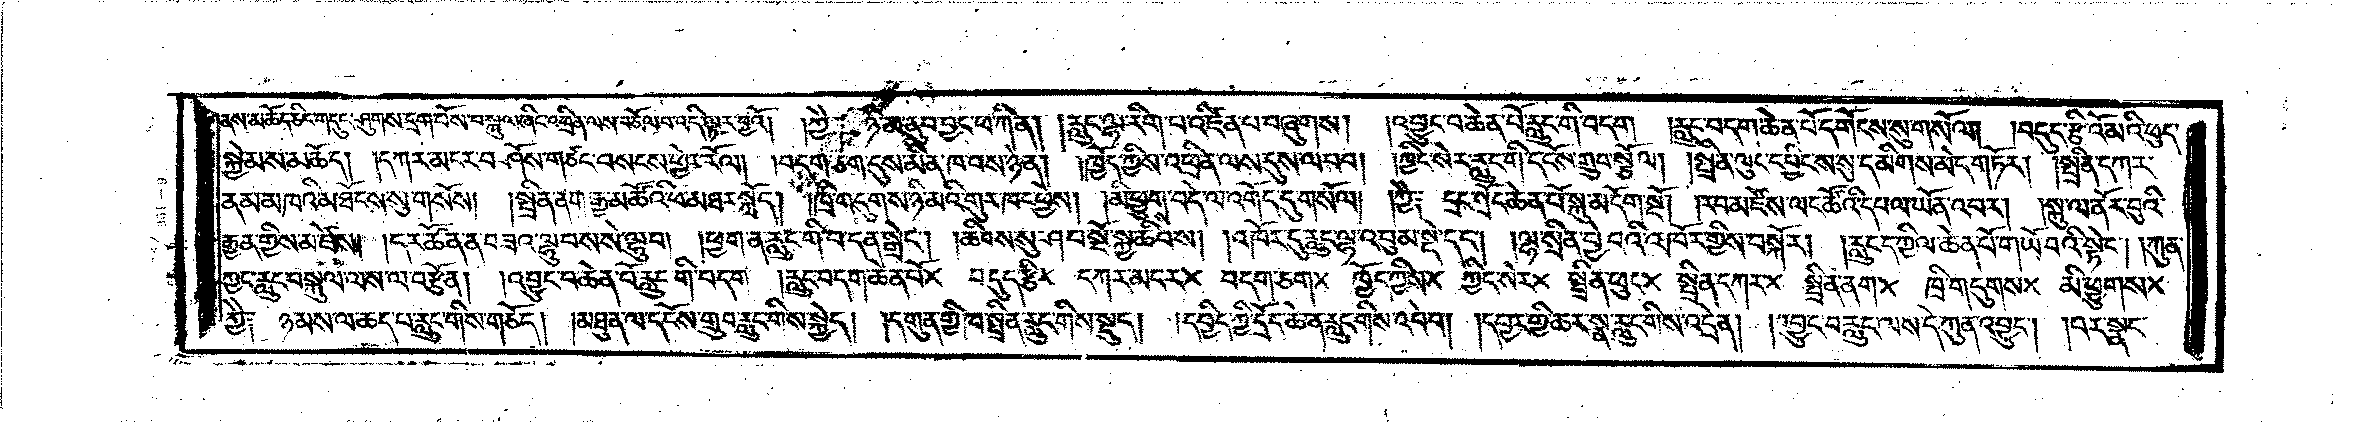ནས་མཆོག་སང་གདུང་ཤུགས་དྲག་བོས་བསྐུལ་ཞིང་འཕྲིན་ལས་བཅོལ་བ་འདི་ལྟར་བྱའོ། །ཀྱཻ། ཉི་མ་ནུབ་བྱང་ཕ་ཀི་ན། །རླུང་ལྷ་རིག་པ་འཛིན་པ་བཞུགས། །འབྱུང་བ་ཆེན་པོ་རླུང་གི་བདག །རླུང་བདག་ཆེན་པོ་དགོངས་སུ་གསོལ། །བདུད་རྩི་འོ་མའི་ཕུད་
སྐྱེམས་མཆོད། །དཀར་མངར་བཤོས་གཙང་བསངས་ཕྱེར་རོལ། །བདག་ཅག་དུས་མིན་ཁ་བས་ཉེན། །ཁྱོད་ཀྱིས་འཕྲིན་ལས་དུས་ལ་བབ། །ཀྱིད་སེར་རླུང་གི་དངོས་གྲུབ་སྩོལ། །སྤྲིན་ལུང་དབྱིངས་སུ་དམིགས་མེད་གཏོར། །སྤྲིན་དཀར་
ནམ་མཁའི་མཐོངས་སུ་གསོས། །སྦྲིན་ནག་རྒྱ་མཚོའི་ཕ་མཐར་སྐྲོད། །ཁྲི་གདུགས་ཉི་མའི་གུར་ཁང་ཕྱེས། །མི་ཕྱུགས་བདེ་ལ་འགོད་དུ་གསོལ། །ཀྱཻ༑ དྲང་སོརང་ཆེན་པོ་སྐུ་མདོག་སྔོ། །རབས་མཛེས་ལང་ཚོའི་དཔལ་ཡོན་འབར། །སྐུ་ལ་ནོར་བུའི་
རྒྱན་གྱིས་མཛེས། །དར་ཚོན་ན་བཟའ་ལྷུབས་སེ་ལྷུབ། །ཕྱག་ན་རླུང་གི་བ་དན་སྒྲེང་། །ཆིབས་སུ་ཤབ་སྔོ་སྐྱ་ཆིབས། །འཁོར་དུ་རླུང་ལྷ་འབུམ་སྡེ་དང་། །ལྷ་སྲིན་བྱེ་བའི་འཁོར་གྱིས་བསྐོར། །རླུང་དཀྱིལ་ཆེན་པོ་གཡོ་བའི་སྟེང་། །ཀུན་
ཀྱང་རླུང་བསྐུལ་ལས་ལ་བརྩོན། །འབྱུང་བ་ཆེན་པོ་རླུང་གི་བདག །རླུང་བདག་ཆེན་པོ་྾་བདུད་རྩི་྾་དཀར་མངར་྾་བདག་ཅག་྾་ཁྱོད་ཀྱིས་྾་ཀྱིད་སེར་྾་སྤྲིན་ཕུང་྾་སྤྲིན་དཀར་྾་སྤྲིན་ནག་྾་ཁྲི་གདུགས་྾་མི་ཕྱུགས་྾་
ཀྱཻ༑ ཉམས་ལ་ཆད་པ་རླུང་གིས་གཅོད། །མཐུན་ལ་དངོས་གྲུབ་རླུང་གིས་སྐྱེད། །དགུན་གྱི་ཁ་སྤྲིན་རླུང་གིས་སྡུད། །དབྱིད་ཀྱི་དྲོད་ཆེན་རླུང་གིས་འབེབ། །དབྱར་གྱི་ཆར་སྣ་རླུང་གིས་འདྲེན། །འབྱུང་བརླུང་ལས་དེ་ཀུན་འབྱུང་། །བར་སྣང་